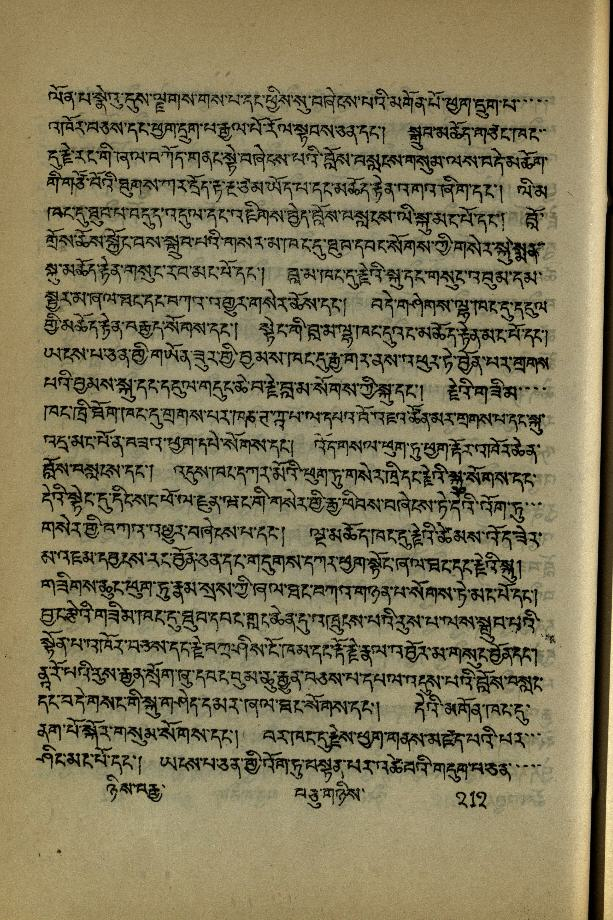ལོན་པ་སྣེའུ་དུས་ལྗགས་གས་པ་དང་ཕྱིས་སུ་བཞེངས་པའི་མགོན་པོ་ཕྱག་དྲུག་པ་
འཁོར་བཅས་དང་ཕྱག་དྲུག་པ་རྒྱལ་པོ་རོལ་སྟབས་ཅན་དང་། སྒྲུབ་མཆོད་གཙང་ཁང་
དུ་རྗེ་རང་གི་ཞལ་བཀོད་གནང་སྟེ་བཞེངས་པའི་བློས་བསླངས་གསུམ་ལས་བདེ་མཆོག་
གི་གཙོ་བོའི་ཐུགས་ཀར་དྲོད་རྟ་རྔ་ཙམ་ཡོད་པ་དང་མཆོད་རྟེན་འགའ་ཞིག་དང་། ལི་མ་
ཁང་དུ་ཐུབ་པ་བདུད་འདུལ་དང་འཇིགས་བྱེད་བློས་བསླངས་ལི་སྐུ་མང་པོ་དང་། བློ་
གྲོས་ཆོས་སྐྱོང་བས་སྒྲུབ་པའི་གསར་མ་ཁང་དུ་ཐུབ་དབང་སོགས་ཀྱི་གསེར་སྐུ་སྨན་
སྐུ་མཆོད་རྟེན་གསུང་རབ་མང་པོ་དང་། བླ་མ་ཁང་དུ་རྗེའི་སྐུ་དང་གསུང་འབུམ་དམ་
སྦྱར་མ་ཞལ་ཐང་དང་བཀའ་འགྱུར་གསེར་ཆོས་དང་། བདེ་གཤེགས་ལྷ་ཁང་དུ་དངུལ་
གྱི་མཆོད་རྟེན་བརྒྱད་སོགས་དང་། སྟེང་གི་བླ་མ་ལྷ་ཁང་དུའང་མཆོད་རྟེན་མང་པོ་དང་།
ཡངས་པ་ཅན་གྱི་གཡོན་ཟུར་གྱི་བྱམས་ཁང་དུ་རྒྱ་གར་ནས་འཕུར་ཏེ་བྱོན་པར་གྲགས་
པའི་བྱམས་སྐུ་དང་དངུལ་གདུང་ཆེ་བ་རྗེ་བླ་མ་སོགས་ཀྱི་སྐུ་དང་། རྗེའི་གཟིམ་
ཁང་ཁྲི་ཐོག་ཁང་དུ་གྲགས་པར་ཁཎ་ཊ་ཀཱ་པ་ལ་དཔའ་བོ་འཇའ་ཚོན་མར་གྲགས་པ་དང་སྐུ་
འདྲ་མང་པོ་ན་བཟའ་ཕྱག་དཔེ་སོགས་དང་། འོད་གསལ་ཕུག་ཏུ་ཕྱག་རྡོར་འཁོར་ཆེན་
བློས་བསླངས་དང་། འདུས་ཁང་དཀར་མོའི་ཕུག་ཏུ་གསེར་ཁྲི་དང་རྗེའི་སྐུ་སོགས་དང་
དེའི་སྟེང་དུ་དིང་སང་ཕོ་ལ་ཇུན་ཝང་གི་གསེར་གྱི་རྒྱ་ཕིབས་བཞེངས་ཏེ་དེའི་འོག་ཏུ་
གསེར་གྱི་བཀའ་འགྱུར་བཞེས་པ་དང་། ལྔ་མཆོད་ཁང་དུ་རྗེའི་ཚེམས་འོད་ཟེར་
མ་འཇམ་དབྱངས་རང་བྱོན་ཅན་དང་གདུགས་དཀར་ཕྱག་སྟོང་ཞལ་ཐང་དང་རྗེའི་སྐུ།
གཟིམས་ཆུང་ཕུག་ཏུ་རྣམ་སྲས་ཀྱི་ཞལ་ཐང་བཀའ་གཉན་པ་སོགས་ཏེ་མང་པོ་དང་།
བྱང་རྩེའི་གཟིམ་ཁང་དུ་ཐུབ་དབང་གླང་ཆེན་དུ་འཁྲུངས་པའི་རུས་པ་ལས་སྒྲུབ་པའི་
སྟོན་པ་འཁོར་བཅས་དང་རྗེ་བཀྲ་ཤིས་ངོ་ཁམ་དང་རྡོ་རྗེ་རྣལ་འབྱོར་མ་གསུང་བྱོན་དང་།
ནཱ་རོ་པའི་རུས་རྒྱན་སྲོག་ཞུ་དབང་བུམ་ཆུ་རྒྱུན་བཅས་པ་དཔལ་འདུས་པའི་བློས་བསླང་
དང་བདེ་གསང་གི་སྐུ་གཤེད་དམར་ཞལ་ཐང་སོགས་དང་། དེའི་མགོན་ཁང་དུ་
ནག་པོ་སྐོར་གསུམ་སོགས་དང་། བར་ཁང་དུ་རྗེས་ཕྱག་གནས་མཛད་པའི་པར་
ཤིང་མང་པོ་དང་། ཡངས་པ་ཅན་གྱི་འོག་ཏུ་བསྟན་པར་འཚེ་བའི་གདུག་པ་ཅན་